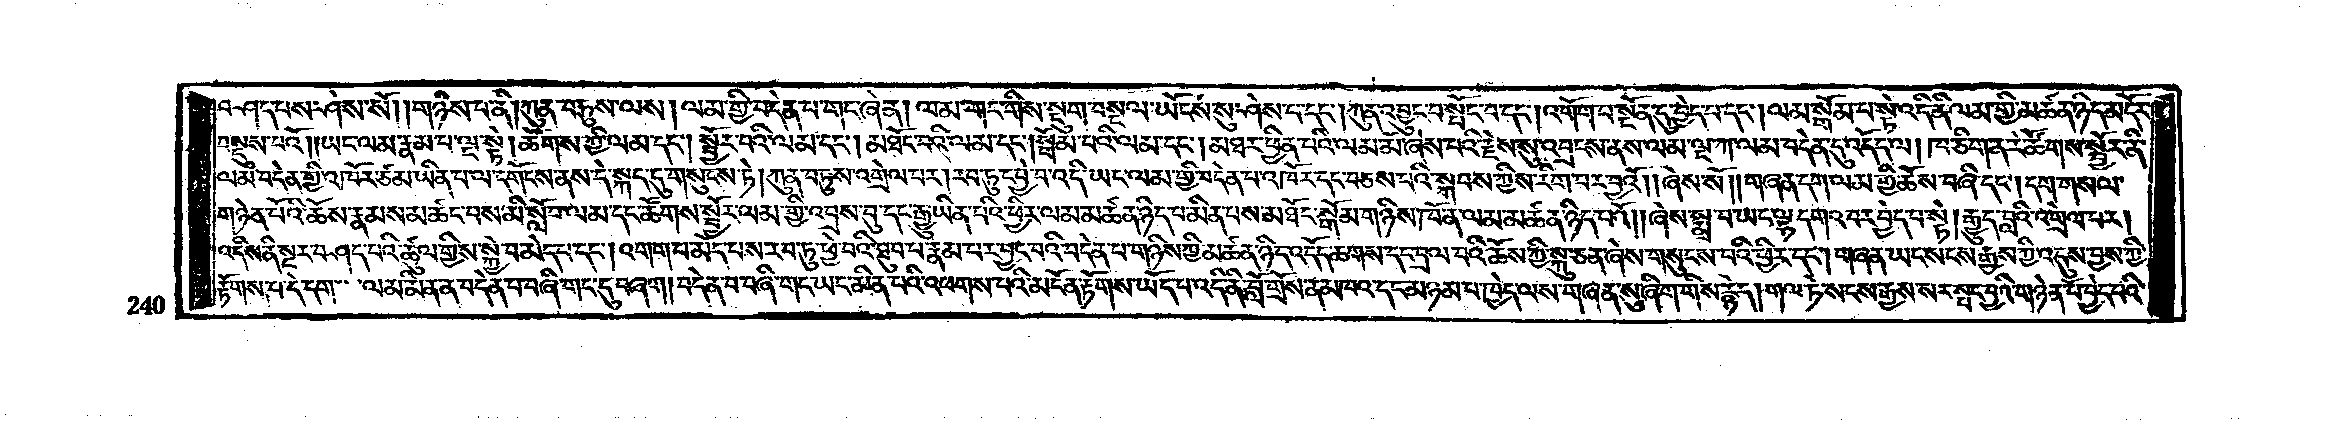བཤད་པས་ཤེས་སོ། །གཉིས་པ་ནི། ཀུན་བཏུས་ལས། ལམ་གྱི་བདེན་པ་གང་ཞེ་ན། ལམ་གང་གིས་སྡུག་བསྔལ་ཡོངས་སུ་ཤེས་པ་དང་། ཀུན་འབྱུང་བ་སྤོང་བ་དང་། འགོག་པ་སྔོན་དུ་བྱེད་པ་དང་། ལམ་སྒོམ་པ་སྟེ་འདི་ནི་ལམ་གྱི་མཚན་ཉིད་མདོར་
བསྡུས་པའོ། །ཡང་ལམ་རྣམ་པ་ལྔ་སྟེ། ཚོགས་ཀྱི་ལམ་དང་། སྦྱོར་བའི་ལམ་དང་། མཐོང་བའི་ལམ་དང་། སྒོམ་པའི་ལམ་དང་། མཐར་ཕྱིན་པའི་ལམ་མོ་ཞེས་པའི་རྗེས་སུ་འབྲངས་ནས་ལམ་ལྔ་ཀ་ལམ་བདེན་དུ་འདོད་ལ། ཁ་ཅིག་ན་རེ་ཚོགས་སྦྱོར་ནི་
ལམ་བདེན་གྱི་འཁོར་ཙམ་ཡིན་པ་ལ་དགོངས་ནས་དེ་སྐད་དུ་གསུངས་ཏེ། ཀུན་བཏུས་འགྲེལ་པར། རབ་ཏུ་དབྱེ་བ་འདི་ཡང་ལམ་གྱི་བདེན་པ་འཁོར་དང་བཅས་པའི་སྐབས་ཀྱིས་རིག་པར་བྱའོ། །ཞེས་སོ། །གཞན་དག་ལམ་གྱི་ཆོས་བཞི་དང་། དག་གསལ་
གཉེན་པོའི་ཆོས་རྣམས་མ་ཚང་བས་མི་སློབ་ལམ་དང་ཚོགས་སྦྱོར་ལམ་གྱི་འབྲས་བུ་དང་རྒྱུ་ཡིན་པའི་ཕྱིར་ལམ་མཚན་ཉིད་པ་མིན་པས་མཐོང་སྒོམ་གཉིས་ཁོ་ན་ལམ་མཚན་ཉིད་པའོ། །ཞེས་སྨྲ་བ་ཡང་ལྷ་དགའ་བར་བྱེད་པ་སྟེ། རྒྱུད་བླའི་འགྲེལ་པར།
འདིས་ནི་སྔར་བཤད་པའི་ཚུལ་གྱིས་སྐྱེ་བ་མེད་པ་དང་། འགག་པ་མེད་པས་རབ་ཏུ་ཕྱེ་བའི་ཐུབ་པ་རྣམ་པར་བྱང་བའི་བདེན་པ་གཉིས་ཀྱི་མཚན་ཉིད་འདོད་ཆགས་དང་བྲལ་བའི་ཆོས་ཀྱི་སྐུ་ཅན་ཞེས་གསུངས་པའི་ཕྱིར་དང་། གཞན་ཡང་སངས་རྒྱས་ཀྱི་འདུས་བྱས་ཀྱི་
རྟོགས་པ་དེ་དག་ལམ་མིན་ན་བདེན་པ་བཞི་གང་དུ་བཞག །བདེན་པ་བཞི་གང་ཡང་མིན་པའི་འཕགས་པའི་མངོན་རྟོགས་ཡོད་པ་འདི་ནི་བློ་གྲོས་ནམ་མཁའ་དང་མཉམ་པ་ཁྱེད་ལས་གཞན་སུ་ཞིག་གིས་རྙེད། གལ་ཏེ་སངས་རྒྱས་སར་སྤང་བྱའི་གཉེན་པོ་བྱེད་པའི་